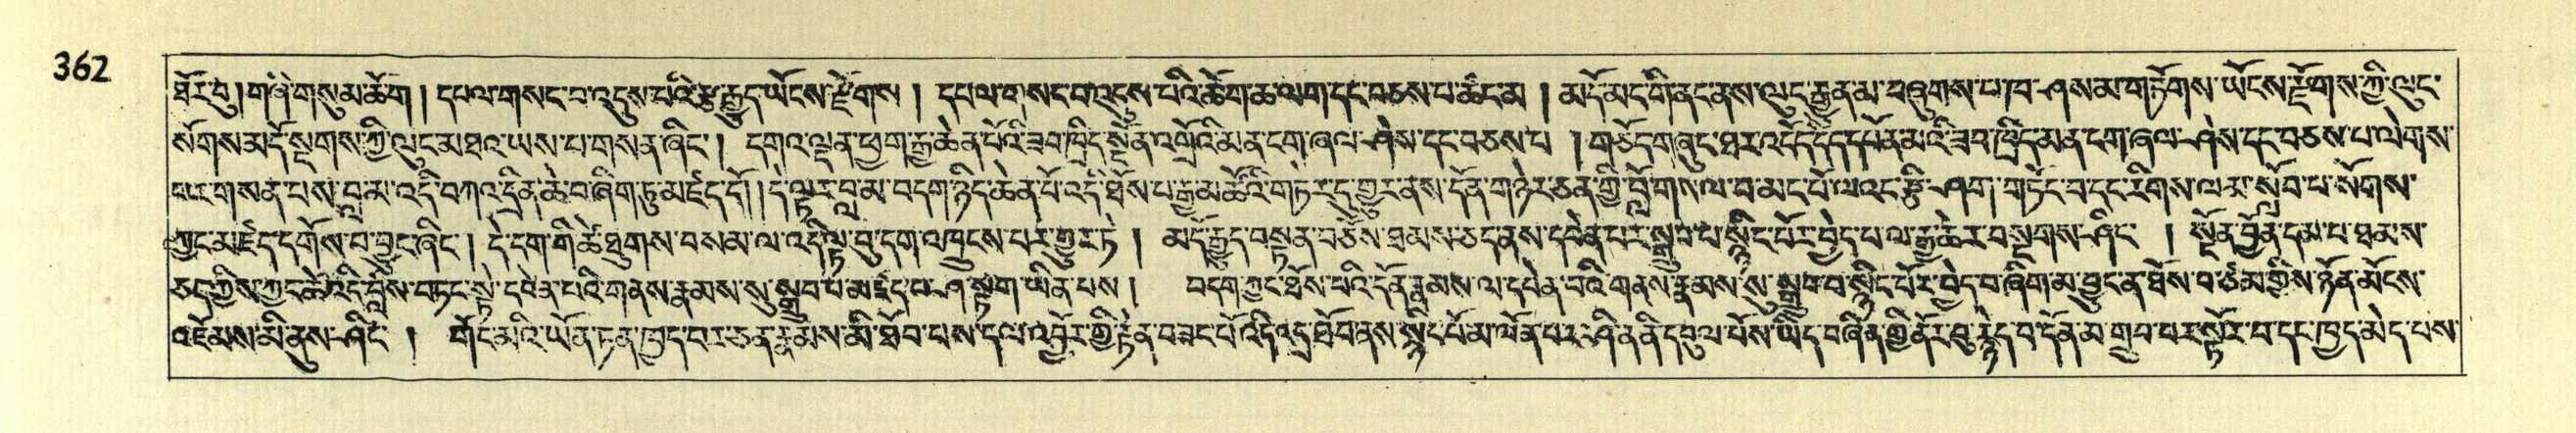ཐོར་བུ། གཞི་གསུམ་ཆོག། དཔལ་གསང་བ་འདུས་པའི་རྩ་རྒྱུད་ཡོངས་རྫོགས། དཔལ་གསང་བ་འདུས་པའི་ཆོ་ག་ཆ་ལག་དང་བཅས་པ་ཚང་མ། མདོ་མང་གི་གནང་ནས་ལུང་རྒྱུན་མ་བཞུགས་པ་ཁ་ཤས་མ་གཏོགས་ཡོངས་རྫོགས་ཀྱི་ལུང་
སོགས་མདོ་སྔགས་ཀྱི་ལུང་མཐའ་ཡས་པ་གསན་ཞིང་། དགའ་ལྡན་ཕྱག་རྒྱ་ཆེན་པོའི་ཟབ་ཁྲིད་སྔོན་འགྲོའི་མན་ངག་ཞལ་ཤེས་དང་བཅས་པ་།གཅོད་གཞུང་ཐར་འདོད་དད་དཔོན་མའི་ཟབ་ཁྲིད་མན་ངག་ཞལ་ཤེས་དང་བཅས་པ་ལེགས་
པར་གསན་པས་བླ་མ་འདི་བཀའ་དྲིན་ཆེ་བ་ཞིག་ཏུ་མཛད་དོ། །དེ་ལྟར་བླ་མ་བདག་ཉིད་ཆེན་པོ་འདི་ཐོས་པ་རྒྱ་མཚོའི་གཏེར་དུ་གྱུར་ནས་དོན་གཉེར་ཅན་གྱི་བློ་གསལ་བ་མང་པོ་ལའང་རྩི་ཤག་གཏོང་བ་དང་རིགས་ལམ་སློབ་པ་སོགས་
ཀྱང་མཛད་དགོས་པ་བྱུང་ཞིང་། དེ་དག་གི་ཚེ་ཐུགས་བསམ་ལ་འདི་ལྟ་བུ་དག་འཁྲུངས་པར་གྱུར་ཏེ། མདོ་རྒྱུད་བསྟན་བཅོས་ཐམས་ཅད་ནས་དབེན་པར་སྒྲུབ་པ་སྙིང་པོར་བྱེད་པ་ལ་རྒྱ་ཆེར་བསྔགས་ཤིང་། སྔོན་བྱོན་དམ་པ་ཐམས་
ཅད་ཀྱིས་ཀྱང་ཚེ་འདི་བློས་བཏང་སྟེ་དབེན་པའི་གནས་རྣམས་སུ་སྒྲུབ་པ་མཛད་པ་ཤ་སྟག་ཡིན་པས། བདག་ཀྱང་ཐོས་པའི་དོན་རྣམས་ལ་དབེན་པའི་གནས་རྣམས་སུ་སྒྲུབ་བ་སྙིང་པོར་བྱེད་པ་ཞིག་མ་བྱུང་ན་ཐོས་བ་ཙམ་གྱིས་ཉོན་མོངས་
འཇོམས་མི་ནུས་ཤིང་། གོང་མའི་ཡོན་ཏན་ཁྱད་བར་ཅན་རྣམས་མི་ཐོབ་པས་དལ་འབྱོར་གྱི་རྟེན་བཟང་པོ་འདི་འདྲ་ཐོབ་ནས་སྙིང་པོ་མ་ལོན་པར་ཤིན་ནི་དབུལ་པོས་ཡིད་བཞིན་གྱི་ནོར་བུ་རྙེད་བ་དོན་མ་གྲུབ་པར་སྟོར་པ་དང་ཁྱད་མེད་པས་